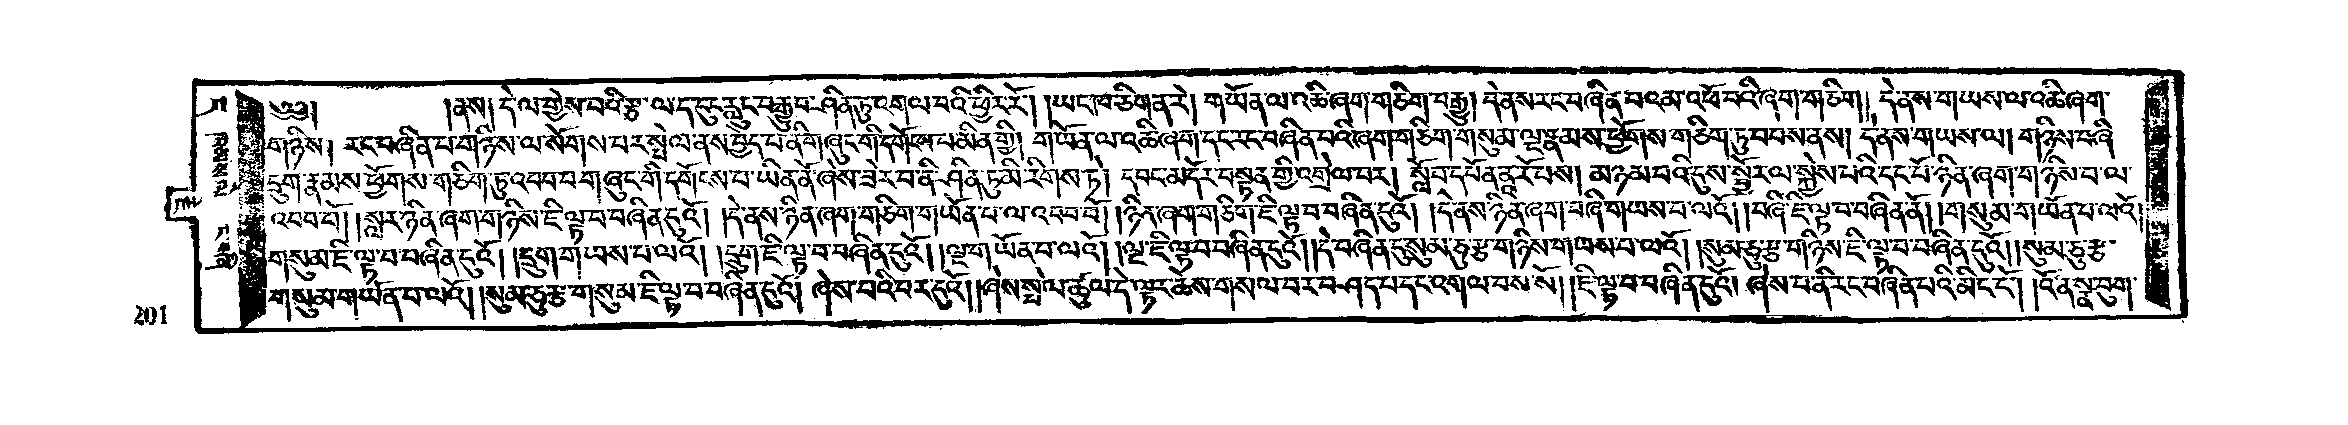༄༅། །ནས། དེ་ལ་གྱེས་པའི་རྩ་ལ་ད་དུང་རླུང་བརྒྱུ་བ་ཤིན་ཏུ་འགལ་བའི་ཕྱིར་རོ། །ཡང་ཁ་ཅིག་ན་རེ། གཡོན་ལ་འཆི་ཞག་གཅིག་བརྒྱུ། དེ་ནས་རང་བཞིན་པའམ་འཕོ་བའི་ཞག་གཅིག །དེ་ནས་གཡས་ལ་འཆི་ཞག་
གཉིས། རང་བཞིན་པ་གཉིས་ལ་སོགས་པར་སྤེལ་ནས་བྱེད་པ་ནི་གཞུང་གི་དགོངས་པ་མིན་གྱི། གཡོན་ལ་འཆི་ཞག་དང་རང་བཞིན་པའི་ཞག་གཅིག་གསུམ་ལྔ་རྣམས་ཕྱོགས་གཅིག་ཏུ་བབས་ནས། དེ་ནས་གཡས་ལ། གཉིས་བཞི་
དྲུག་རྣམས་ཕྱོགས་གཅིག་ཏུ་འབབ་པ་གཞུང་གི་དགོངས་པ་ཡིན་ནོ་ཞེས་ཟེར་བ་ནི་ཤིན་ཏུ་མི་རིགས་ཏེ། དབང་མདོར་བསྟན་གྱི་འགྲེལ་བར། སློབ་དཔོན་ནཱ་རོ་པས། མཉམ་པའི་དུས་སྦྱོར་ལ་སྐྱེས་པའི་དང་པོ་ཉིན་ཞག་གཉིས་པ་ལ་
འབབ་བོ། །སླར་ཉིན་ཞག་གཉིས་ཇི་ལྟ་བ་བཞིན་དུའོ། །དེ་ནས་ཉིན་ཞག་གཅིག་གཡོན་པ་ལ་འབབ་བོ། །ཉིན་ཞག་གཅིག་ཇི་ལྟ་བ་བཞིན་དུའོ། །དེ་ནས་ཉིན་ཞག་བཞི་གཡས་བ་ལའོ། །བཞི་ཇི་ལྟ་བ་བཞིན་ནོ། །གསུམ་གཡོན་པ་ལའོ། གསུམ་ཇི་ལྟ་བ་བཞིན་དུའོ། །དྲུག་གཡས་པ་ལའོ། །དྲུག་ཇི་ལྟ་བ་བཞིན་དུའོ། །ལྔ་གཡོན་པ་ལའོ། །ལྔ་ཇི་ལྟ་བ་བཞིན་དུའོ། །དེ་བཞིན་དུ་སུམ་ཅུ་རྩ་གཉིས་གཡས་པ་ལའོ། །སུམ་ཅུ་རྩ་གཉིས་ཇི་ལྟ་བ་བཞིན་དུའོ། །སུམ་ཅུ་རྩ་
གསུམ་གཡོན་པ་ལའོ། །སུམ་ཅུ་རྩ་གསུམ་ཇི་ལྟ་བ་བཞིན་དུའོ། ཞེས་པའི་བར་དུའོ། །ཞེས་སྤེལ་ཚུལ་དེ་ལྟར་ཆོས་གསལ་བར་བཤད་པ་དང་འགལ་བས་སོ། །ཇི་ལྟ་བ་བཞིན་དུའོ། ཞེས་པ་ནི་རང་བཞིན་པའི་མིང་ངོ། །འོ་ན་སྣ་བུག་